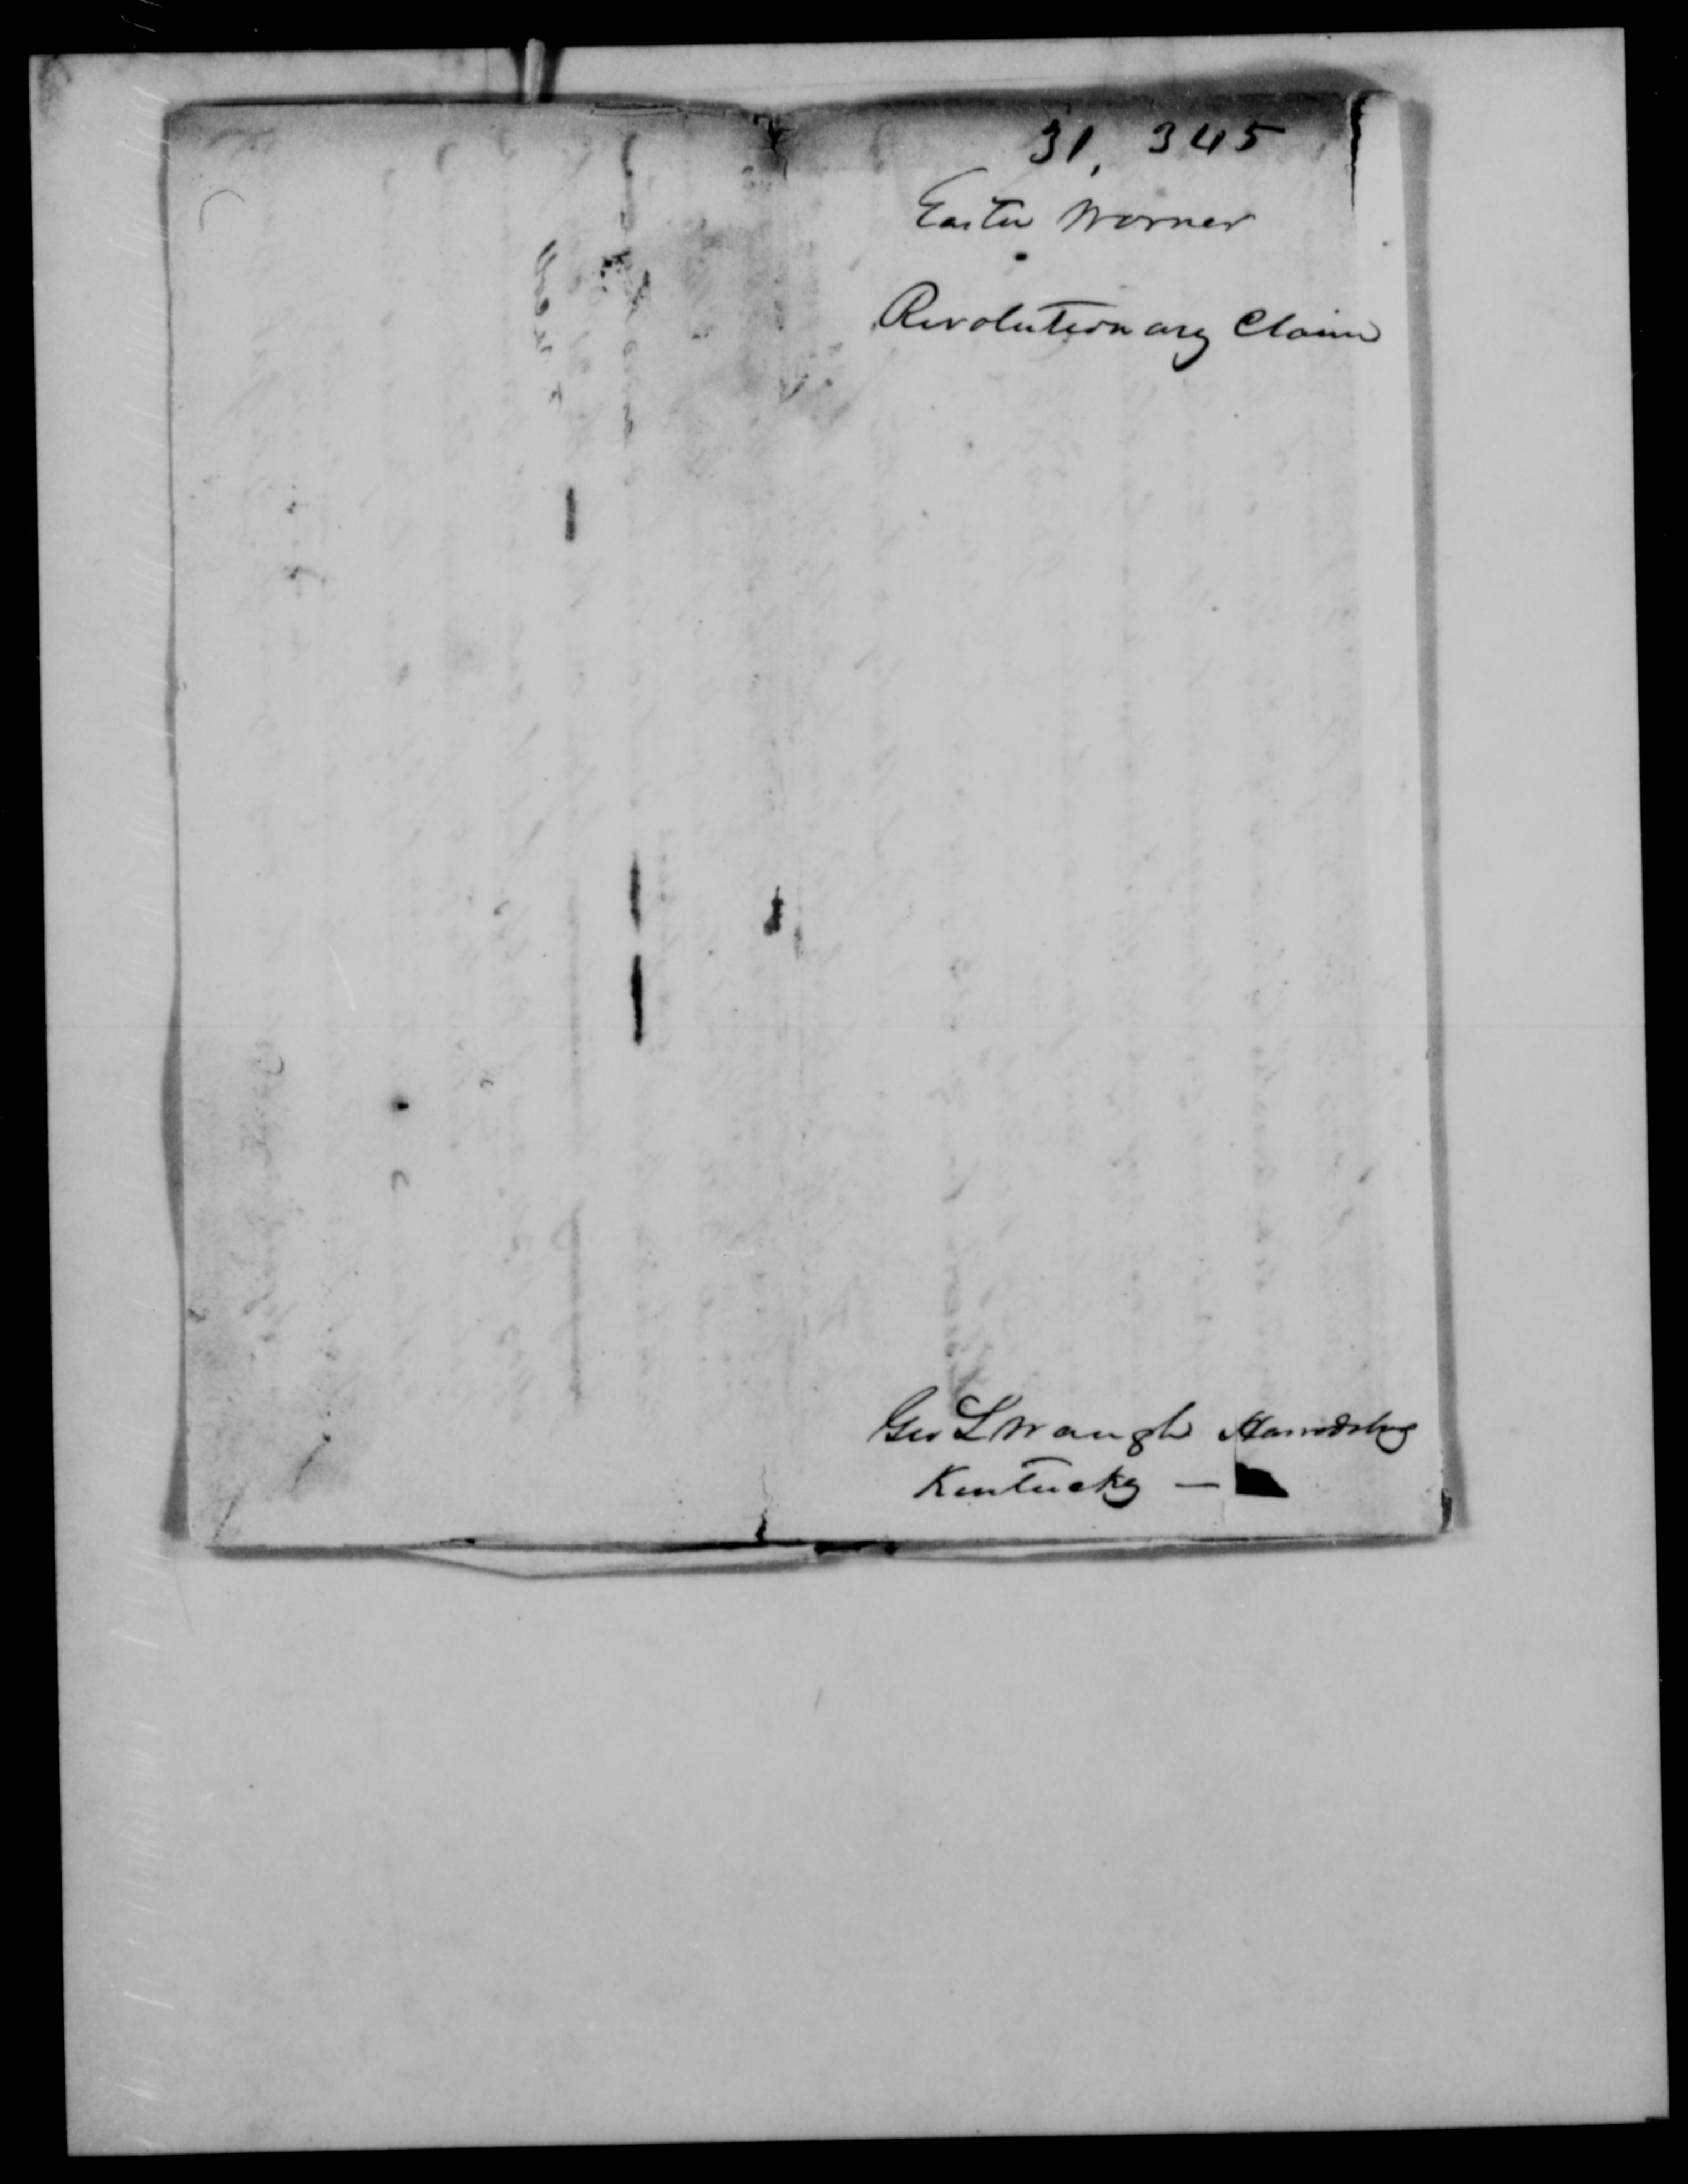31,345
Easter Worner
Revolutionary Claim

Geo L Waugh Harrodsburg
Kentucky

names: Easter Worner, Geo L Waugh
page: 5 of 14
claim: rejected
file: R 11149, Peter Worner, Md.